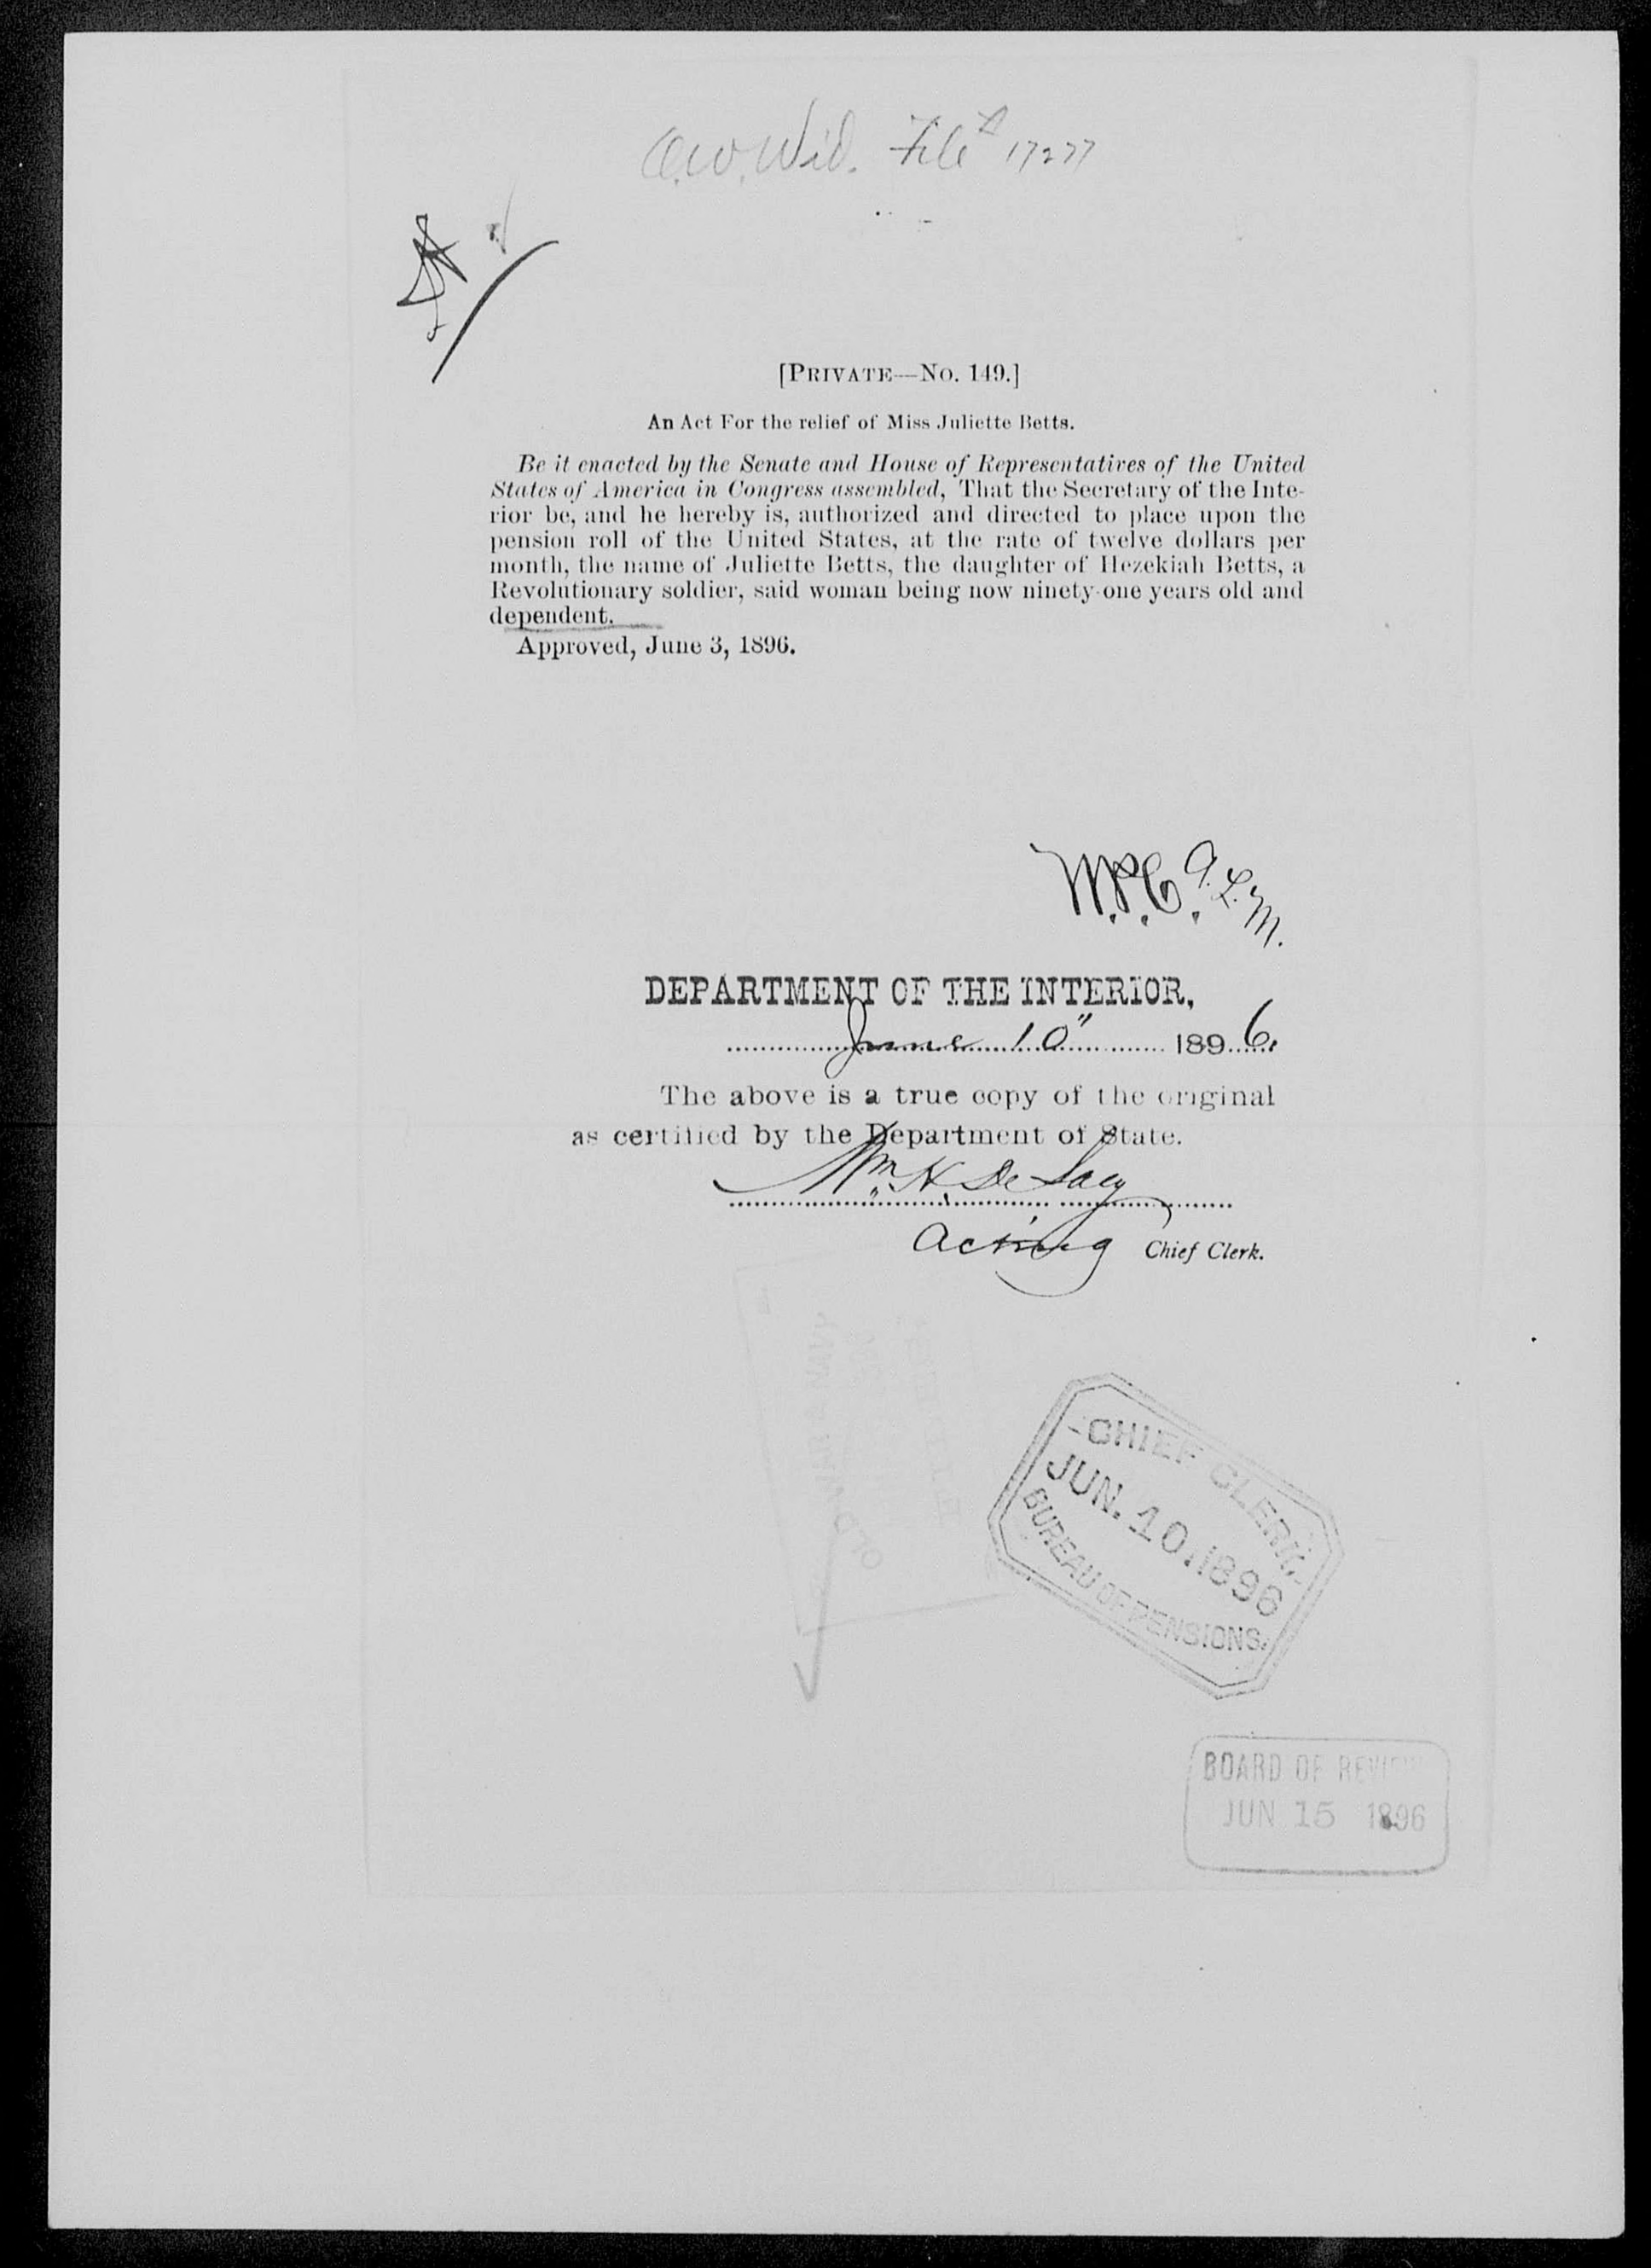O.W. Wid. File 17277

[PRIVATE- NO. 149]
An Act For the relief of Miss Juliette Betts.
Be it enacted by the Senate and House of Representatives of the United States of America in Congress assembled, That the Secretary of the Interior be, and he hereby is, authorized and directed to place upon the pension roll of the United States, at the rate of twelve dollars per month, the name of Juliette Betts, the daughter of Hezekiah Betts, a Revolutionary soldier, said woman being now ninety-one years old and dependent.
Approved, June 3, 1896.
M. C. A. L. M.
DEPARTMENT OF THE INTERIOR
June 10th 1896
The above is a true copy of the original as certified by the Department of State.
Wm H De Lacy
acting Chief Clerk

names: Wm H De Lacy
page: 35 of 61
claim: widow's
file: W. 29,929, Hezekiah Betts, Conn.